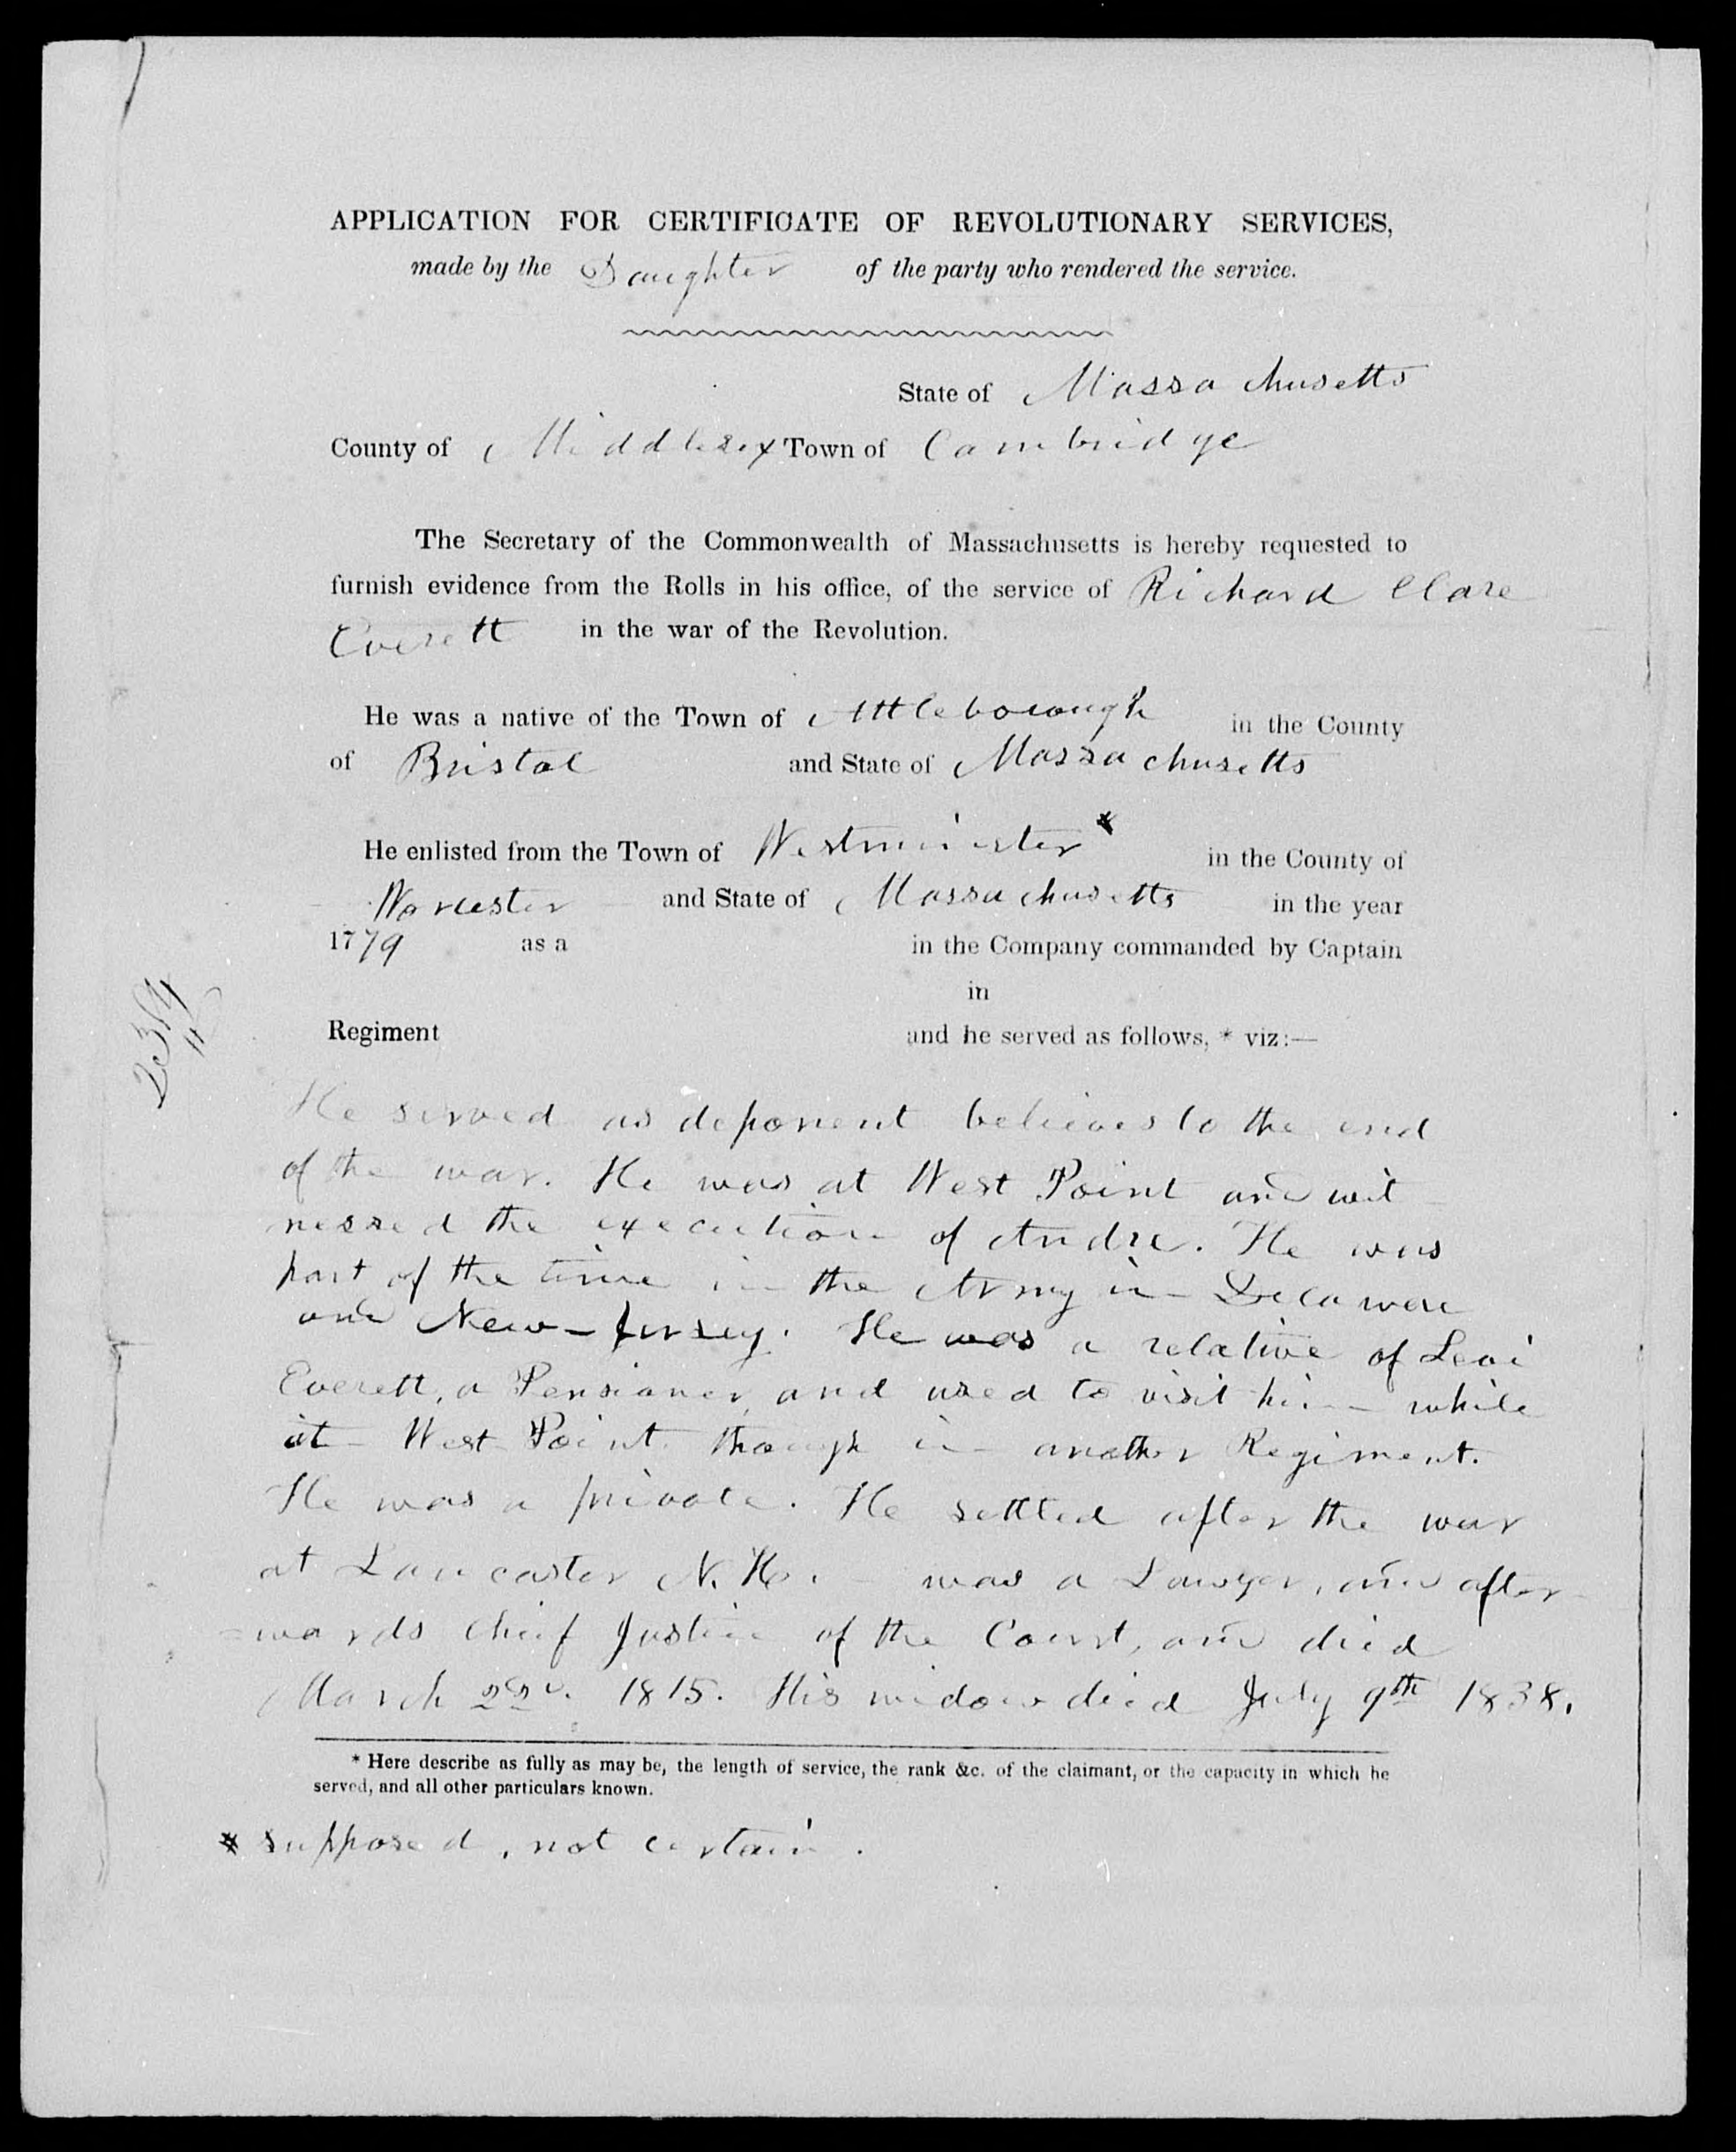APPLICATION FOR CERTIFICATE OF REVOLUTIONARY SERVICES
Made by the Daughter of the party who rendered the service.

State of Massachusetts
County of Middlesex
Town of Cambridge

The Secretary of the Commonwealth of Massachusetts is hereby requested to furnish evidence from the Rolls in his office of the service of Richard Claire Everett in the war of the Revolution.

He was a native of the town of Attleborough in the county of Bristol and the state of Massachusetts 
He enlisted from the Town of Westminster in the County of Worcester and the State of Massachusetts in the year 1779 as a [blank space] in the Company commanded by Captain [blank space] in [blank space] Regiment [blank space] and he served as follows, *vis:—

He served as [illegible] believes to the end of the war.  He was at West Point and witnessed the execution of [illegible].  He was part of the time in the Army in Delaware and New Jersey.  He was a relative of Levi Everett, a Pensioner, and went to visit him while at West Point. Though in another Regiment, he was a private.  He settled after the war at Lancaster, NH now a lawyer and afterwards a Chief Justice of the county and died March 22nd 1815.  His widow died July 9th 1838.

*Here describe as fully as may be, the length of service, the rank &c. of the claimant, or the capacity in which he served, and all other particulars known.

#Supposed, not certain.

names: Levi Everett, Andre, Richard Clare Everett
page: 46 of 59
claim: widow's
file: W. 23017, Richard Clair Everett, Mass.